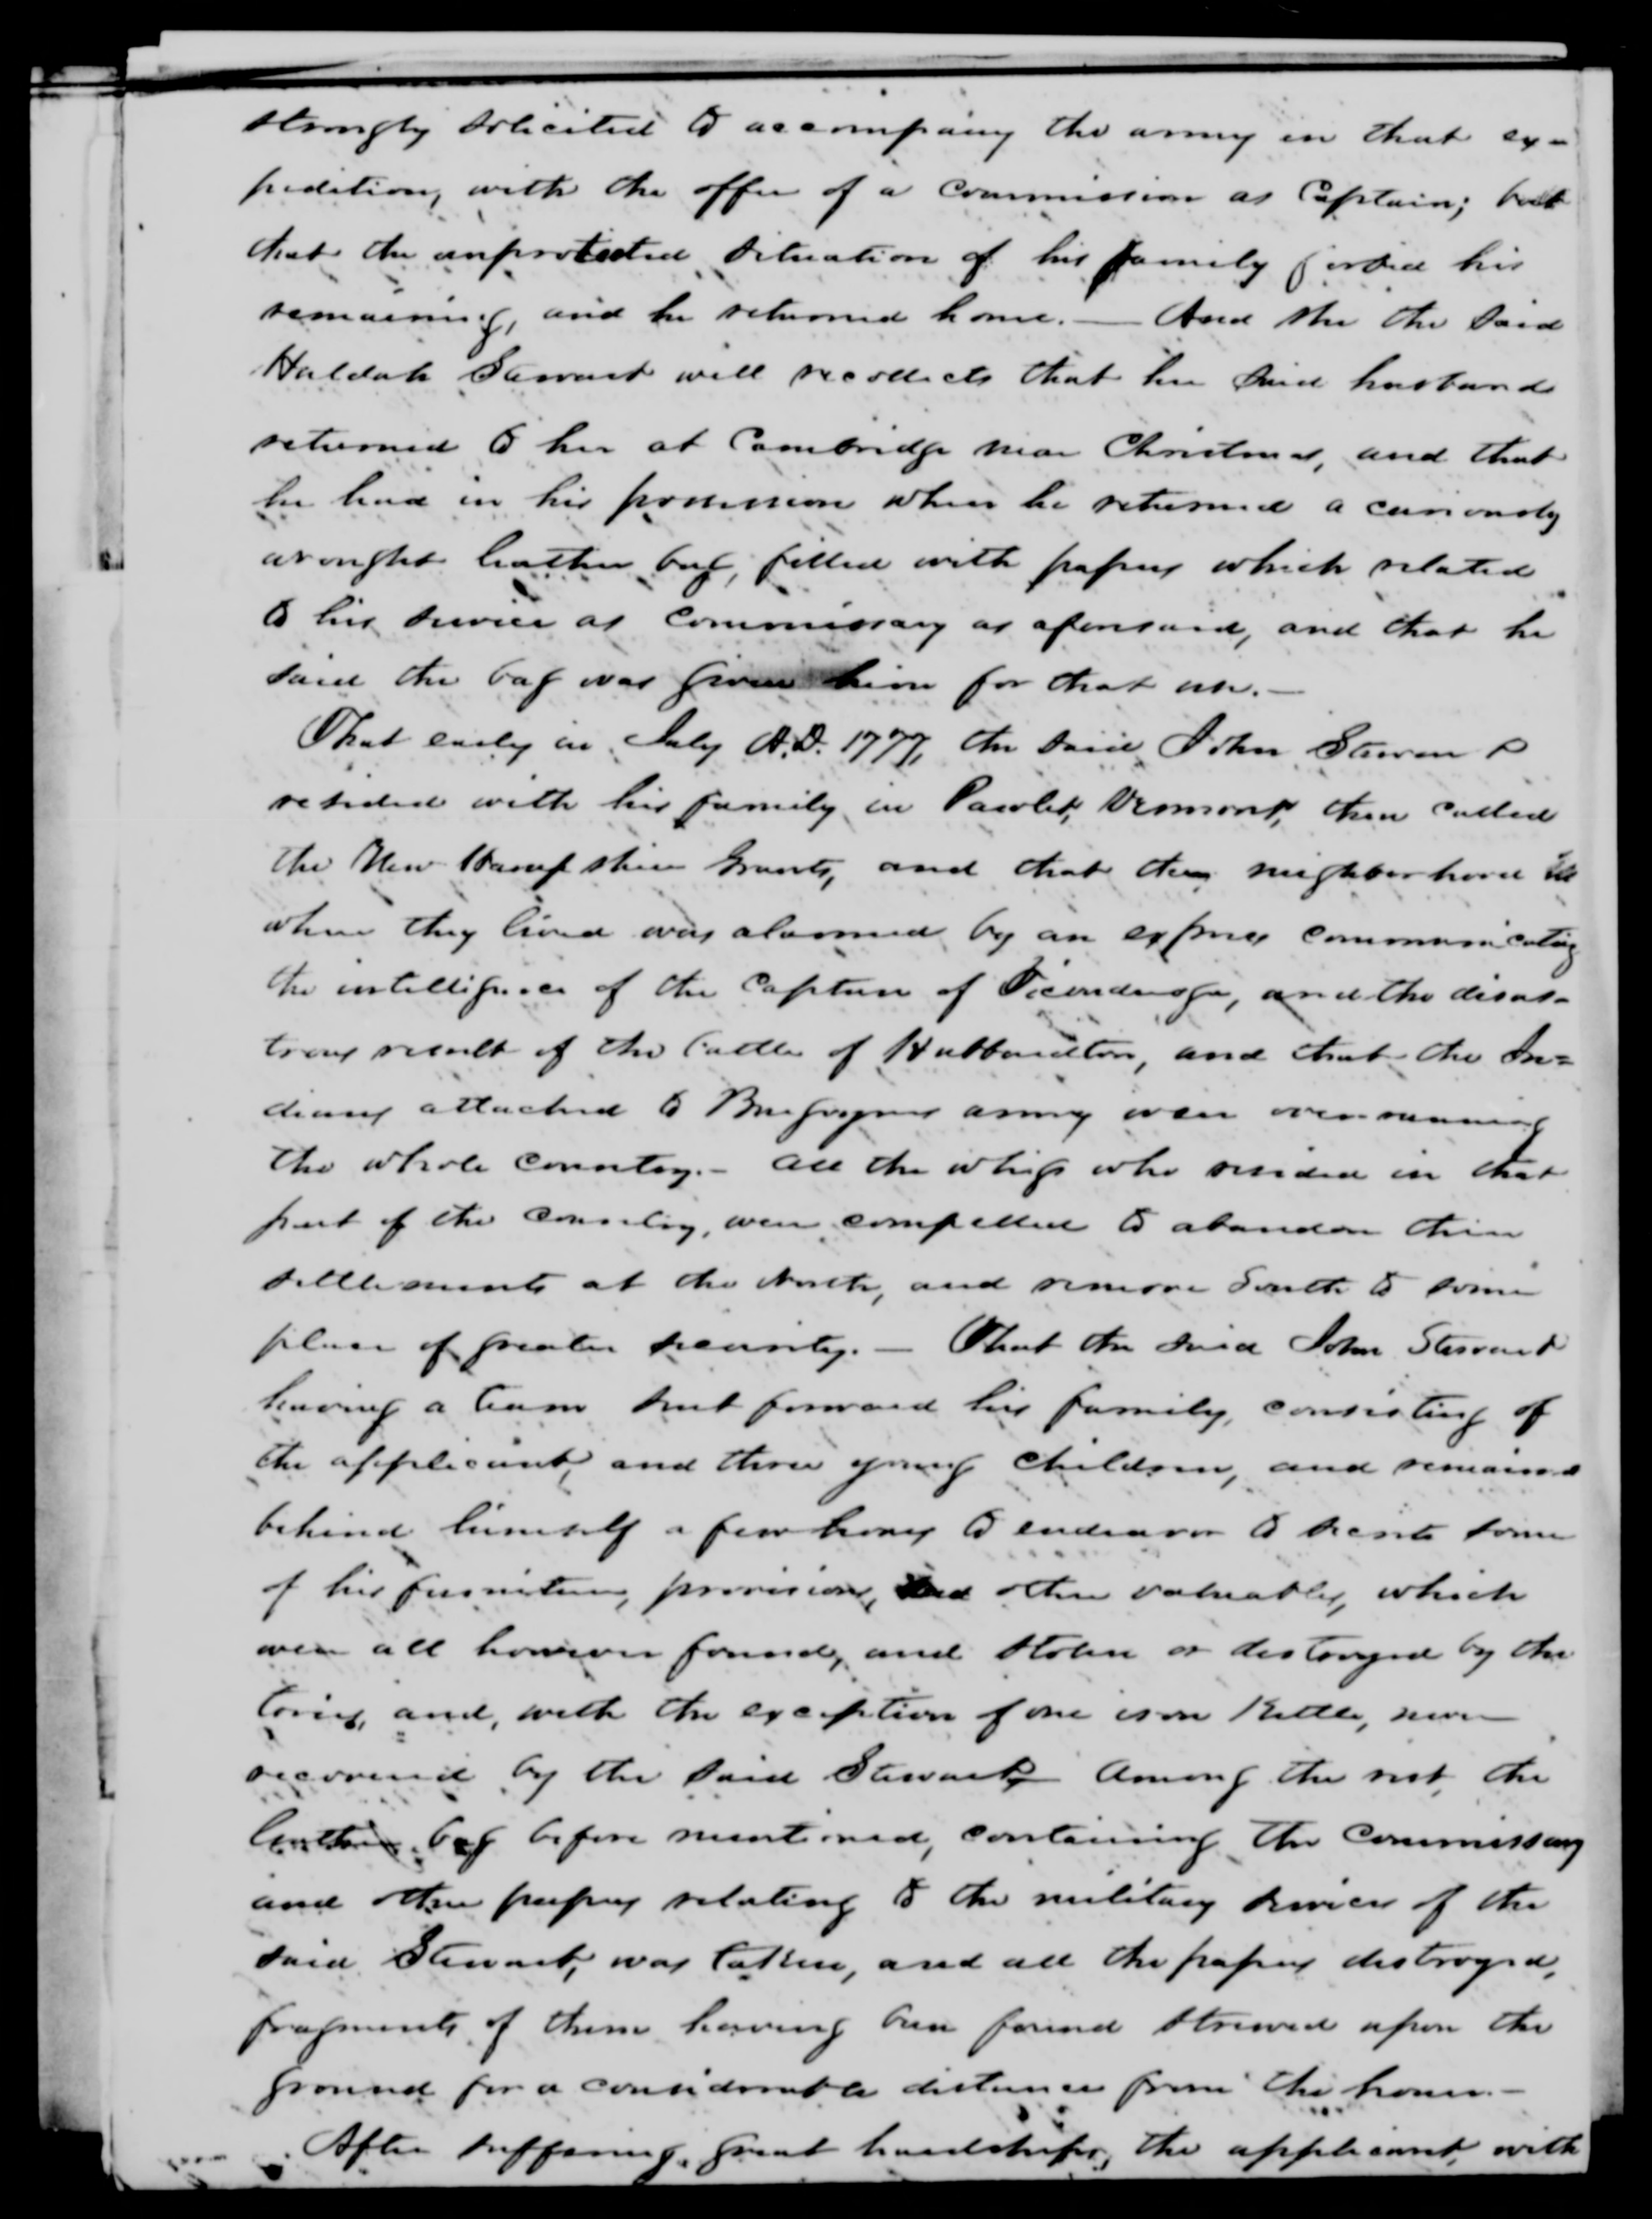strongly solicited to accompany the army in that expedition with the offer of a commission as Captain; he
that the unprotected situation of his family forbid his
remaining, and he returned home. And the the said
Huldah Stewart well recollects that her said husband
returned to her at Cambridge near Christmas and that
he had in his possession when he returned a [illegible]
wrought leather box filled with papers which related
to his service as Commissary as aforesaid, and that he
said the day was given for that work
That early in July A.D. 1777, the said John Stewart resided
with his family in Pawlet Vermont, then called
the New hampshire Grants, and that the neighborhood
where they lived was also by an express communicating
the intelligence of the capture of Ticonderoga, and the disastrous results of the battle of Hubbarton, and that the Indians attached to Bufrgoynes army were overrunning
the whole country. all the whigs who resided in that
part of the Country, were compelled to abandon the
settlement at the North, and more South to me
place of greater vicinity. That the said John Stewart
having a team but forward his family consisting of
the applicant, and three young children, and remains
behind himself a few honest endeavor to her for
his furniture, provision, and other valuables which
were all however found and stolen or destroyed by the
tories, and with the exception of one is Kettle, none
recovered by the said Stewart among the not, the
it be before mentioned, containing the commissary
and other papers relating to the military services of the
said Stewart was taken, and all the papers destroyed
payments of them having been found strewed upon the
ground for a considered a distance from the house
After suffering great hardship the applicant with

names: John Stewart; [BLANK] Stewart; Huldah Stewart; John Stewart; [BLANK] Stewart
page: 5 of 26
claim: rejected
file: R. 10,154, for John Stewart, New Hampshire